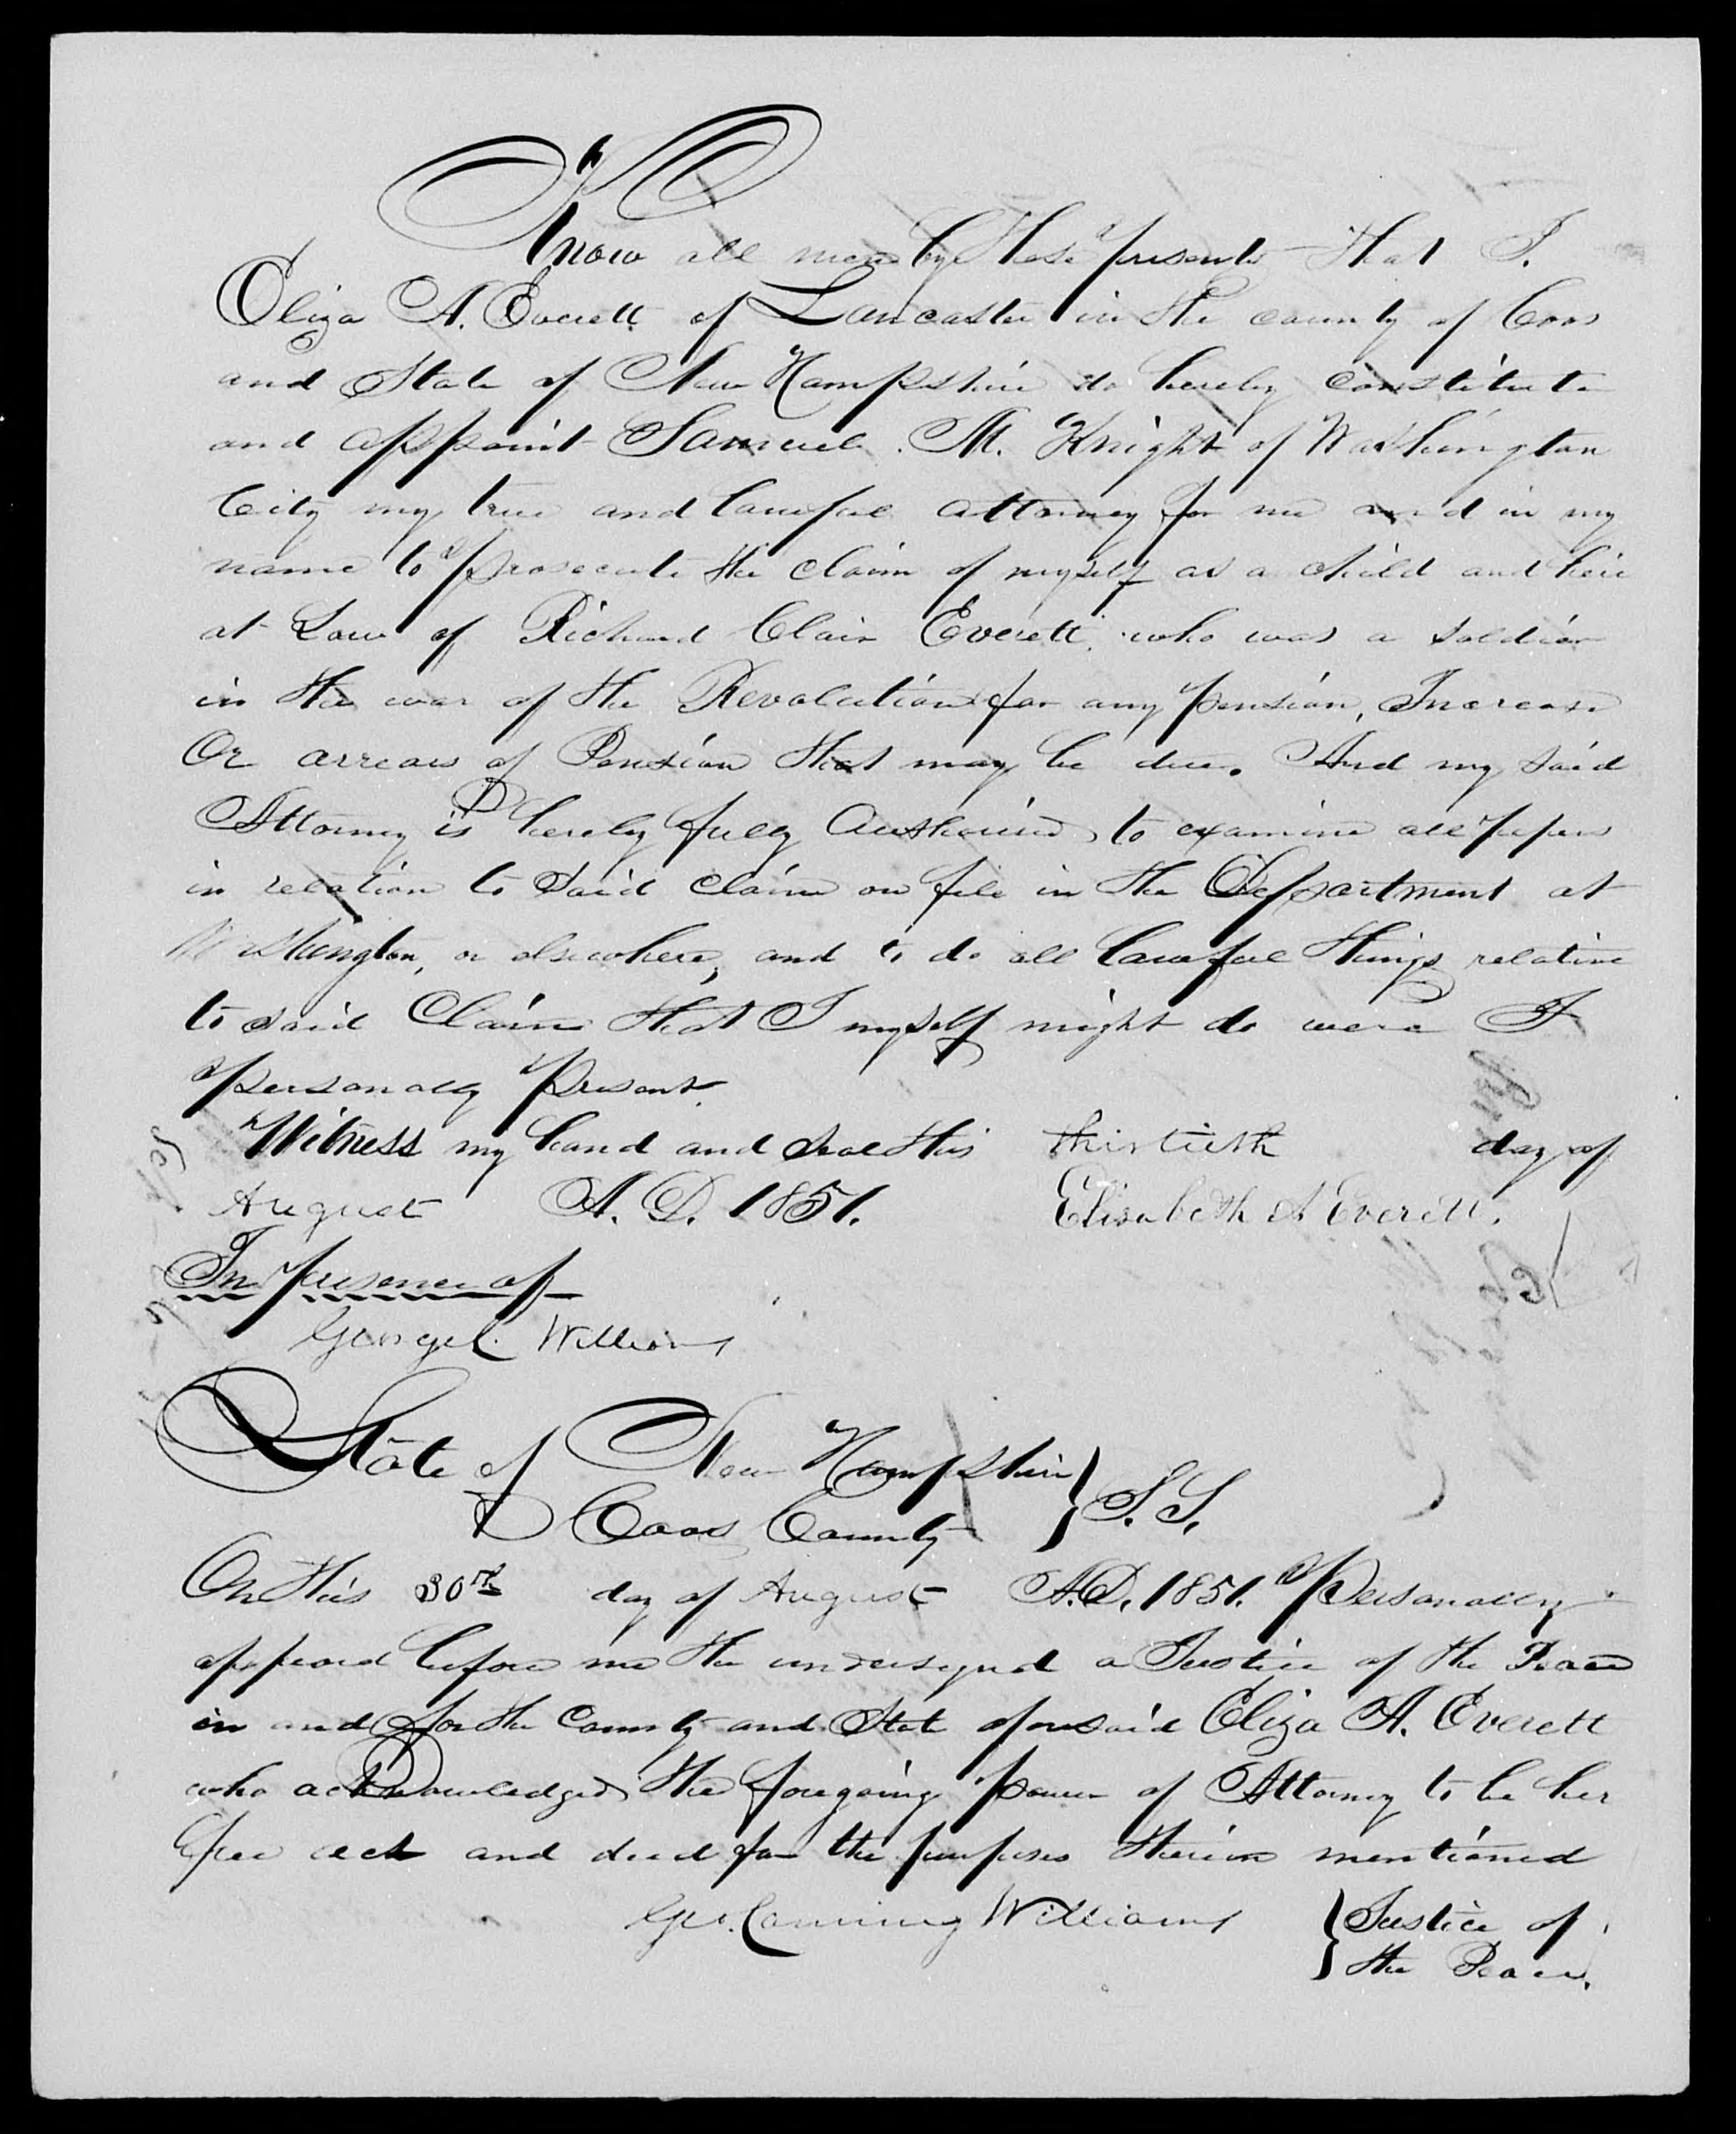Know all men by these present that I, Eliza A. Everett of Lancaster in the county of Coos and State of New Hampshire do hereby constitute and appoint Samuel M. Knight of Washington City my true and lawful attorney for me and in my name to prosecute the claim of myself as a child and heir at Law of Richard Clair Everett who was a soldier in the war of the Revolution for any pension, Increase Or arrears of Pension that may be due. And my said Attorney is hereby fully authorised to examine all papers in relation to said claim on file in the Department at Washington, or elsewhere, and to do all lawful things relative to said claim that I myself might do were I personally present.
Witness my hand and Seal this thirtieth day of August A.D. 1851. 
Elisabeth A. Everett. (signature) 

In presence of 
George C. Williams

State of New Hampshire
Coos County} S.S.
On this 30th day of August A.D. 1851. Personally appeared before me the undersigned a Justice of the Peace in and for the County and State aforesaid Eliza A. Everett who acknowledged the foregoing power of Attorney to be her free act and deed for the purposes therein mentioned

Geo. Canning Williams (signature) }Justice of the Peace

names: Elizabeth A Everett, Eliza A Everett, Samuel M Knight, Richard Clair Everett, George C Williams, Eliza A Everett, Geo Canning Williams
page: 50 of 59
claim: widow's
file: W. 23017, Richard Clair Everett, Mass.